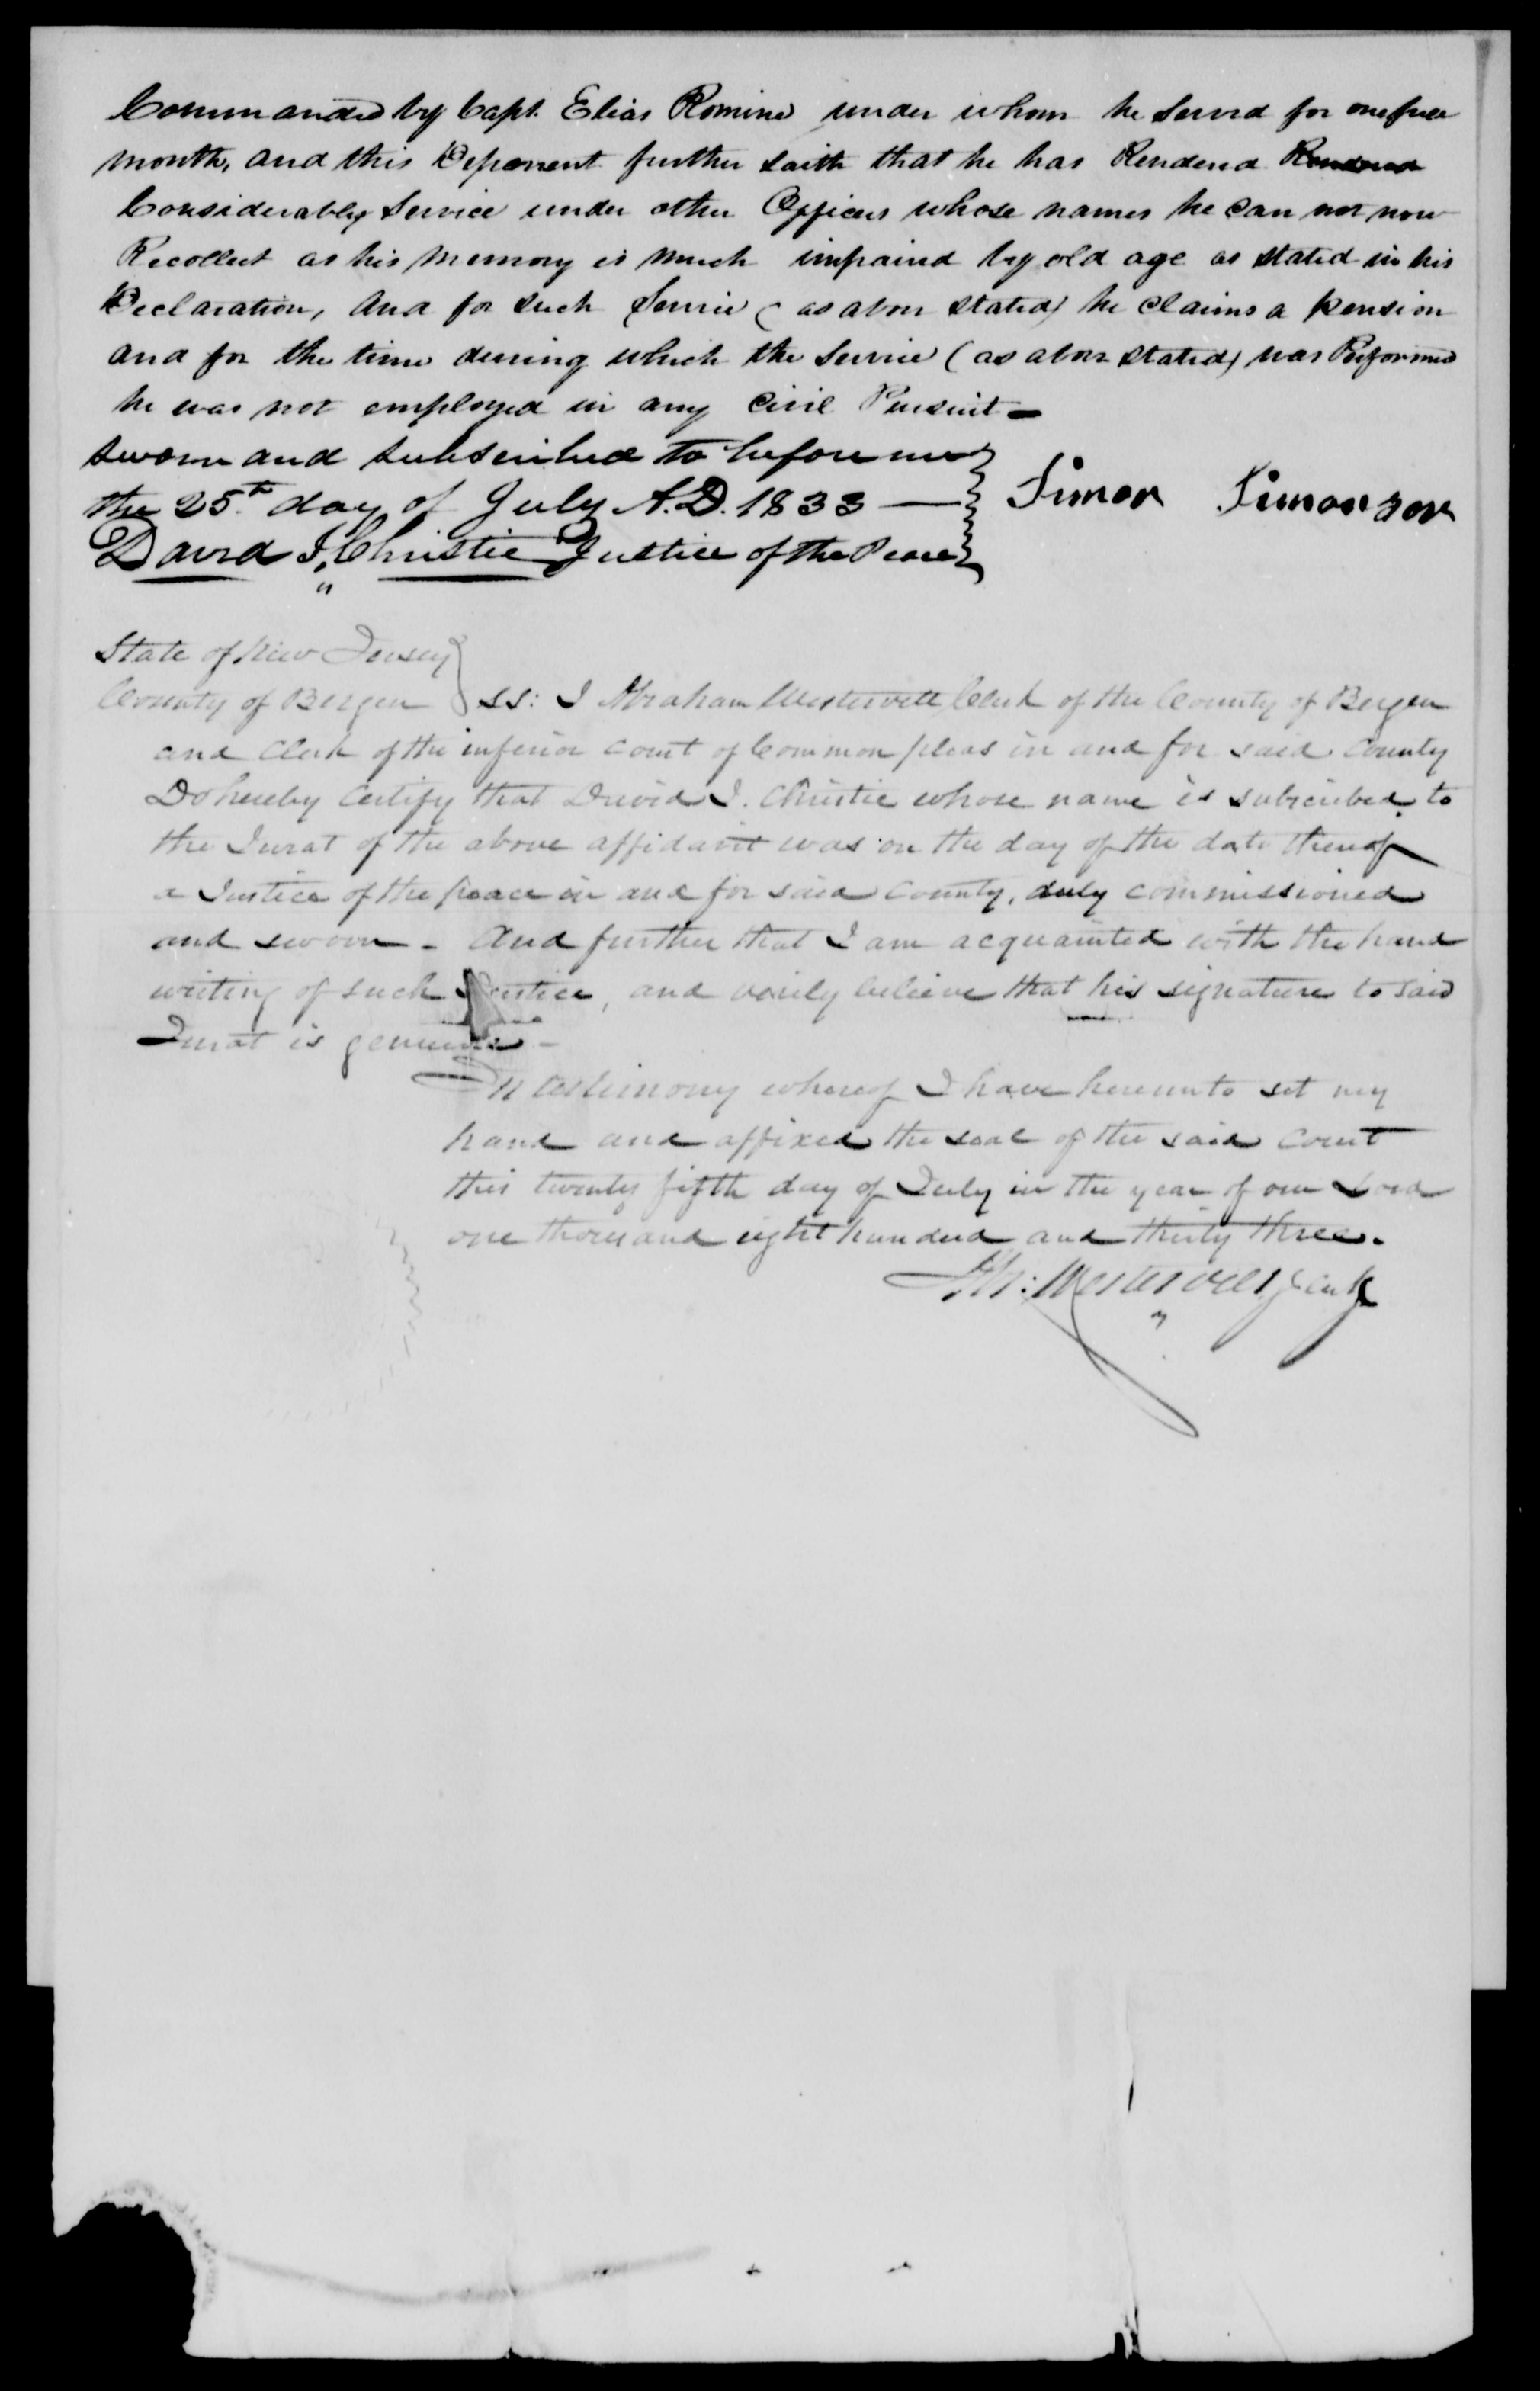Commanded by Capt Elias Romine under whom he served for one full month, and this Deponent further saith that he has Rendend Considerably service under other officers whose names he can not now Recollect as his memory is much impaired by old age as stated in his Declaration, and for such Service as above stated he claims a pension and for the time during which the service (as above stated) was performed he was not employed in any civil pursuit
Simon Simonson

Sworn and subscribed to before me
the 25th day of July A.D. 1833-
David J. Christie Justice of the Peace

State of New Jersey
County of Bergen SS: I Abraham Westervill Clerk of the County of Bergen and Clerk of the inferior Court of Common pleas in and for said County Do hereby Certify that David J. Christie whose name is subscribed to the Jurat of the above affidavit was on the day of the date thereof a Justice of the peace in and for said County, duly commissioned and sworn. And further that I am acquainted with the hand writing of such Justice, and verily believe that his signature to said Jurat is genuine-

In testimony whereof I have hereunto set my
hand and affixed the seal of the said Court
this twenty fifth day of July in the year of our Lord one thousand eight hundred and thirty three.
Abr. Westervill Cerk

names: Elias Romine; Graham Westervill; David J Christie; Abr Westervill; Simon Simonson; David J Christie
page: 4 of 30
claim: survivor's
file: S. 1104, for Simon Simonson, New Jersey